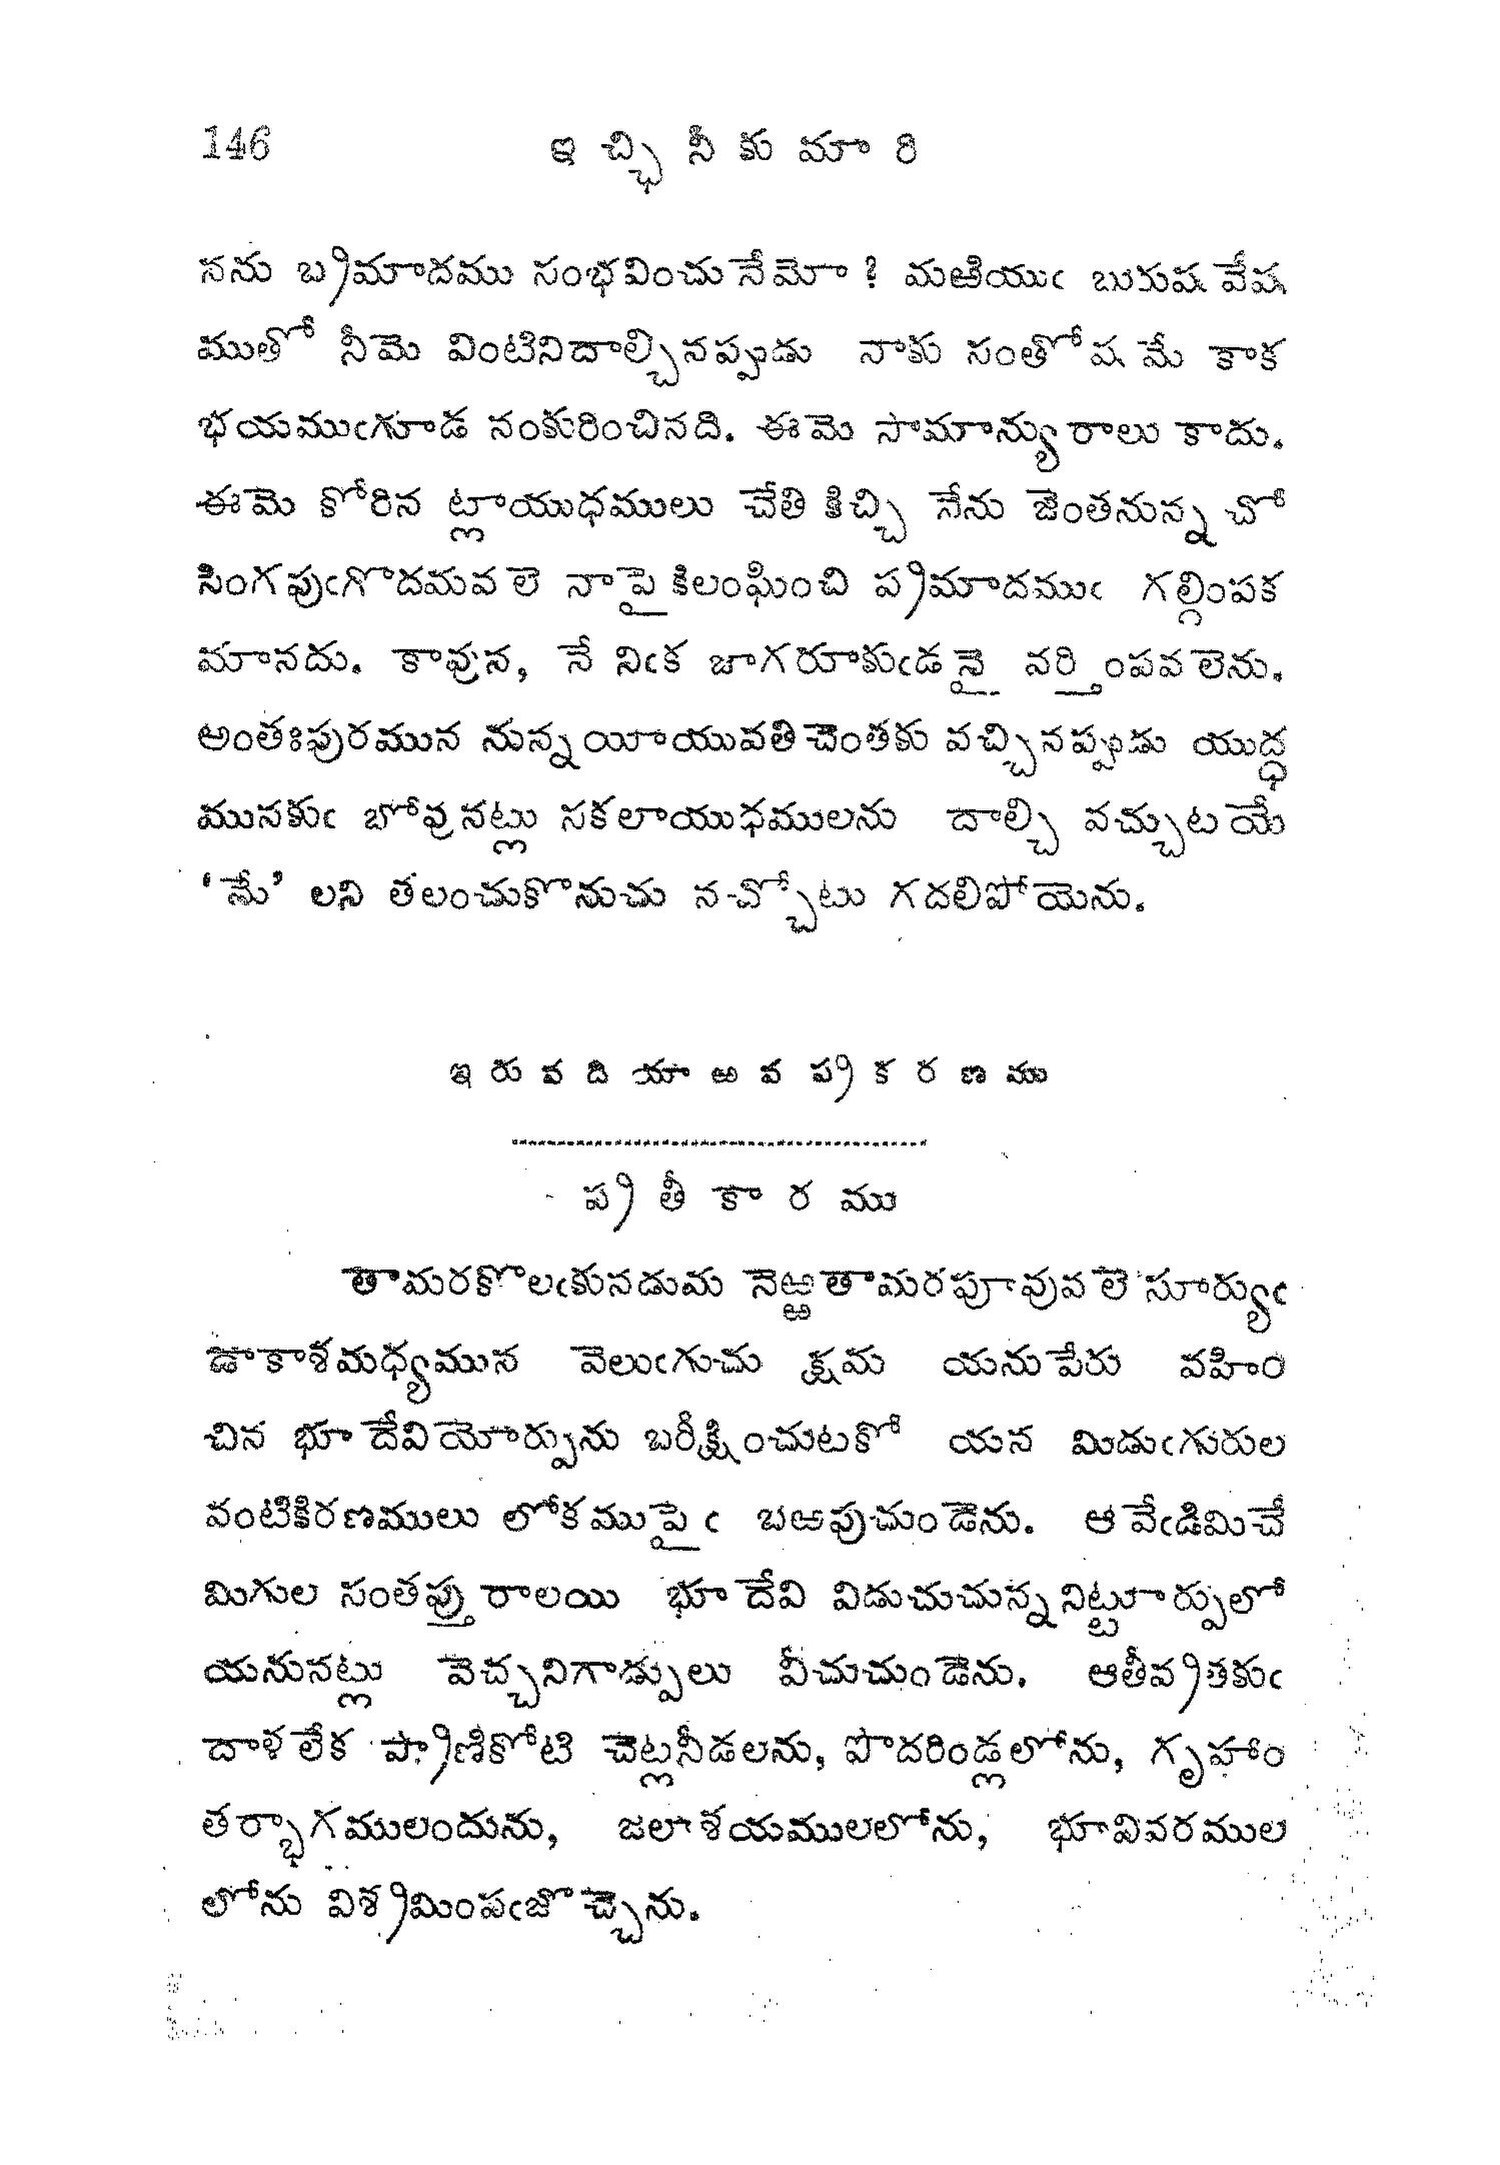నను ప్రమాదము సంభవించు నేమో ? మఱియుఁ బురుష వేష
ముతో నీమే వింటిని దాల్చినప్పుడు నాకు సంతోష మే కాక
భయముఁగూడ నంకురించినది. ఈమె
సొమాన్యురాలు కాదు,
ఈమె కోరిన ట్లాయుధములు చేతి కిచ్చి నేను జేంతనున్న చో
సింగపుఁగొదమవలె నా పై కిలంఘించి ప్రమాదముఁ గల్గింపక
మానదు. కావున, నే నిఁక జాగరూకుఁడ నై వర్తి పవలెను.
అంతఃపురమున నున్నయీయువతి చెంతకు వచ్చినప్పుడు యుద్ధ
మునకుఁ బోవ నట్లు సకలాయుధములను దాల్చి వచ్చుట యే
'మే లని తలంచుకొనుచు నచ్చోటు గదలిపోయెను.

తామరకొలఁకునడుమ నెట్ట తామర పూవువ లే సూర్యుం
డాకాశ మధ్యమున వెలుఁగుచు క్షమ యను పేరు వహిం 
చిన భూ దేవి యోర్పును బరీక్షించుటకో యన మిడుఁగురుల
నంటి కిరణములు లోకము పై బఱపుచుండెను. ఆ వేఁడిమిచే
మిగుల సంతప్తు రాలయి భూ దేవి విడుచు చున్న నిట్టూర్పులో
యనునట్లు వెచ్చనిగాడ్పులు వీచుచుండెను. ఆతీవ్రతకుఁ
దాళ లేక ప్రాణికోటి చెట్లనీడలను, పొదరిండ్లలోను, గృహాం
తర్భాగములందును, జలాశయములలోను, భూవివరముల
లోను విశ్రమింపఁజొచ్చెను.